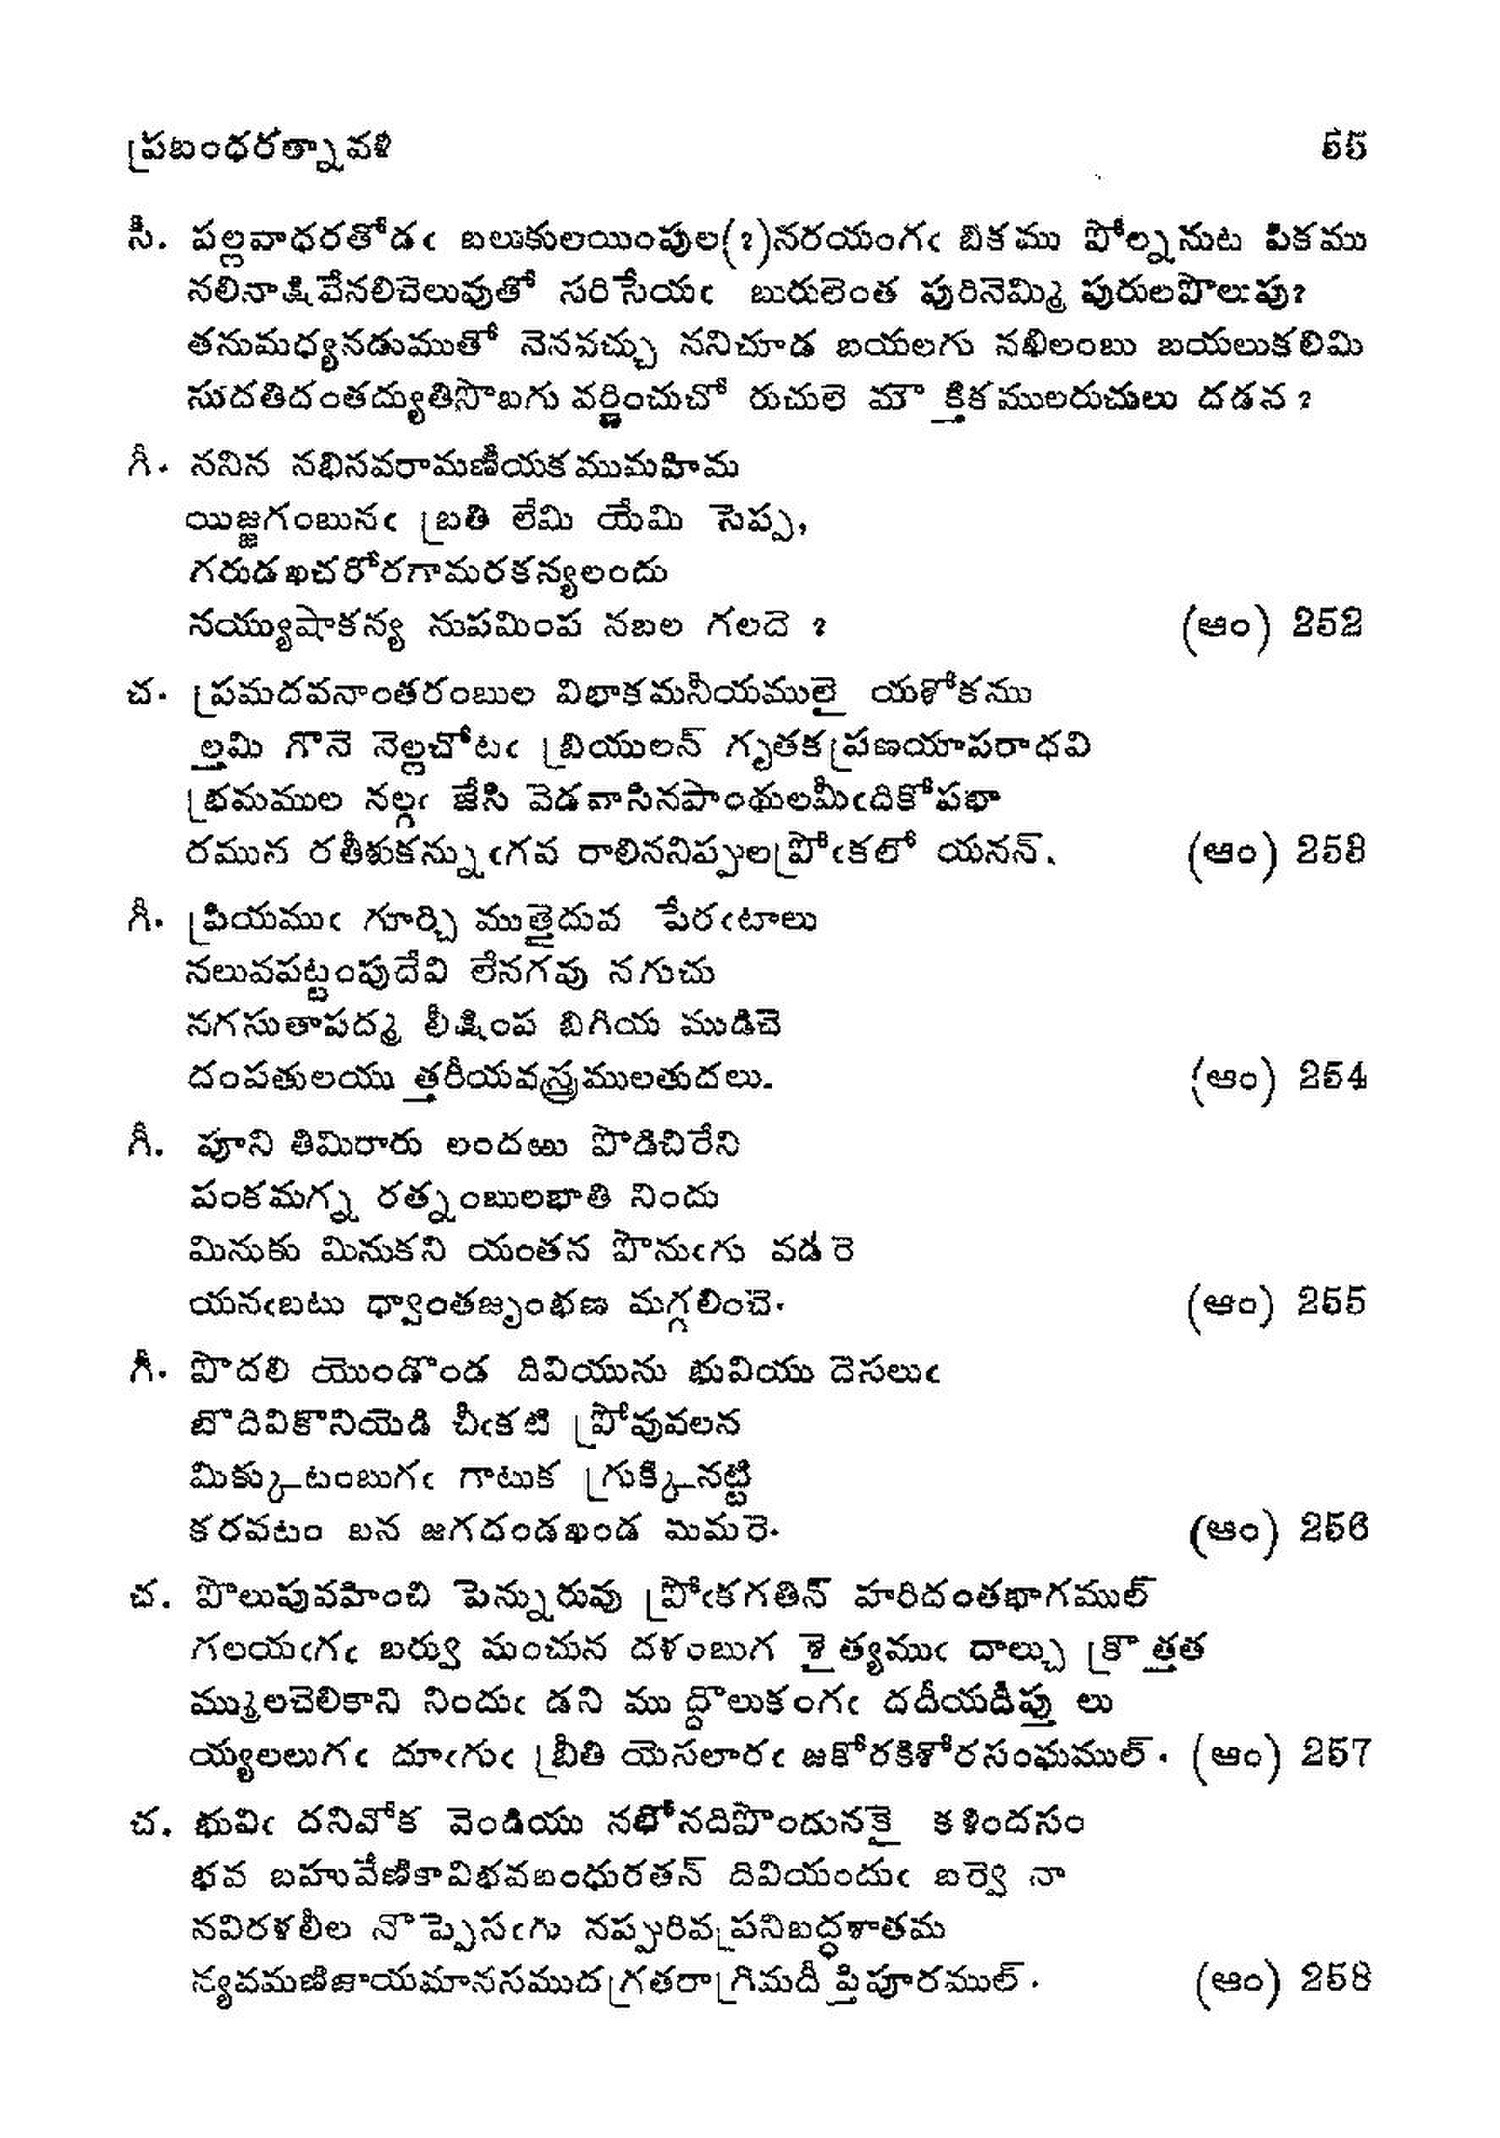సీ. పల్లవాధరతోడఁ బలుకులయింపుల[?] నరయంగఁ బికము పోల్ననుట పికము
నలినాక్షి వేనలి చెలువుతో సరిసేయఁ బురులెంత పురినెమ్మి పురులపొలుపు?
తనుమధ్య నడముతో నెనవచ్చు ననిచూడ బయలగు నఖిలంబు బయలుకలిమి,
సుదతి దంతధ్యుతి సొబగు వర్ణించుచో రుచులె మౌక్తికముల రుచులు దడవ?
గీ. ననిన నభనవరామణీయకము మహిమ
యజ్జగంబునఁ బ్రతిలేమి యేమి సెప్ప,
గరుడఖచరోరగామరకన్యలందు
నయ్యుషాకన్య నుపమింప నబల గలదె? (ఆం) 252

చ. ప్రమదవనాంతరంబుల విభాకమనీయములై యశోకము
ల్తమిగొనె నెల్లచోటఁ బ్రియులన్ గృతకప్రణయాపరాధ వి
భ్రమముల నల్గఁ జేసి వెడవాసినపాంథులమీఁది కోపభా
రమున రతీశుకన్నుఁగవ రాలిన నిప్పులప్రోఁకలో యనన్ (ఆం) 253

గీ. ప్రియముఁగూర్చి ముత్తైదువ పేరంటాలు
నలువపట్టంపుదేవి లేనగవు నగుచు
నగసుతాపద్మ లీక్షింప బిగియ ముడిచె
దంపతుల యుత్తరీయ వస్త్రముల తుదలు. (ఆం) 254

గీ. పూని తిమిరారు లందఱు పొడిచిరేని
పంగమగ్న రత్నంబులభాతి నిందు
మినుకు మినుకని యంతన పొనుఁగు వడరె
యనఁబటు ధ్వాంత జృంభణ మగ్గలించె. (ఆం) 255

గీ. పొదలి యొండొండ దివియును భువియు దెసలుఁ
బొదివికొనియెడి చీఁకటి ప్రోవువలన
మిక్కుటంబుగఁ గాటుక గ్రుక్కినట్టి
కరవయంబన జగదండ ఖండ మమరె. (ఆం) 256

చ. పొలుపు వహించి పెన్నురువు ప్రోఁకగతిన్ హరిదంతభాగముల్
గలయఁగఁ బర్వు మంచున దళంబుగ శైత్యముఁ దాల్చు క్రొత్తత
మ్ములచెలికాని నిందుఁడని ముద్దొలుకంగఁ దదీయదీప్తు లు
య్యలలుగఁ దూఁగుఁ బ్రీతి యెసలారఁ జకోరకిశోరసంఘముల్. (ఆం) 257

చ. భువిఁదనివోక వెండియు నభోనదిపొందునకై కళిందసం
భవబహువేణికావిభవబంధురతన్ దివియందుఁ బర్వె నా
నవిరళ లీల నొప్పెసఁగు నప్పురివప్రనిబద్ధశాతమ
న్యవమణిజాయమానసముదగ్రతరాగ్రిమదీప్తిపూరముల్. (ఆం) 258